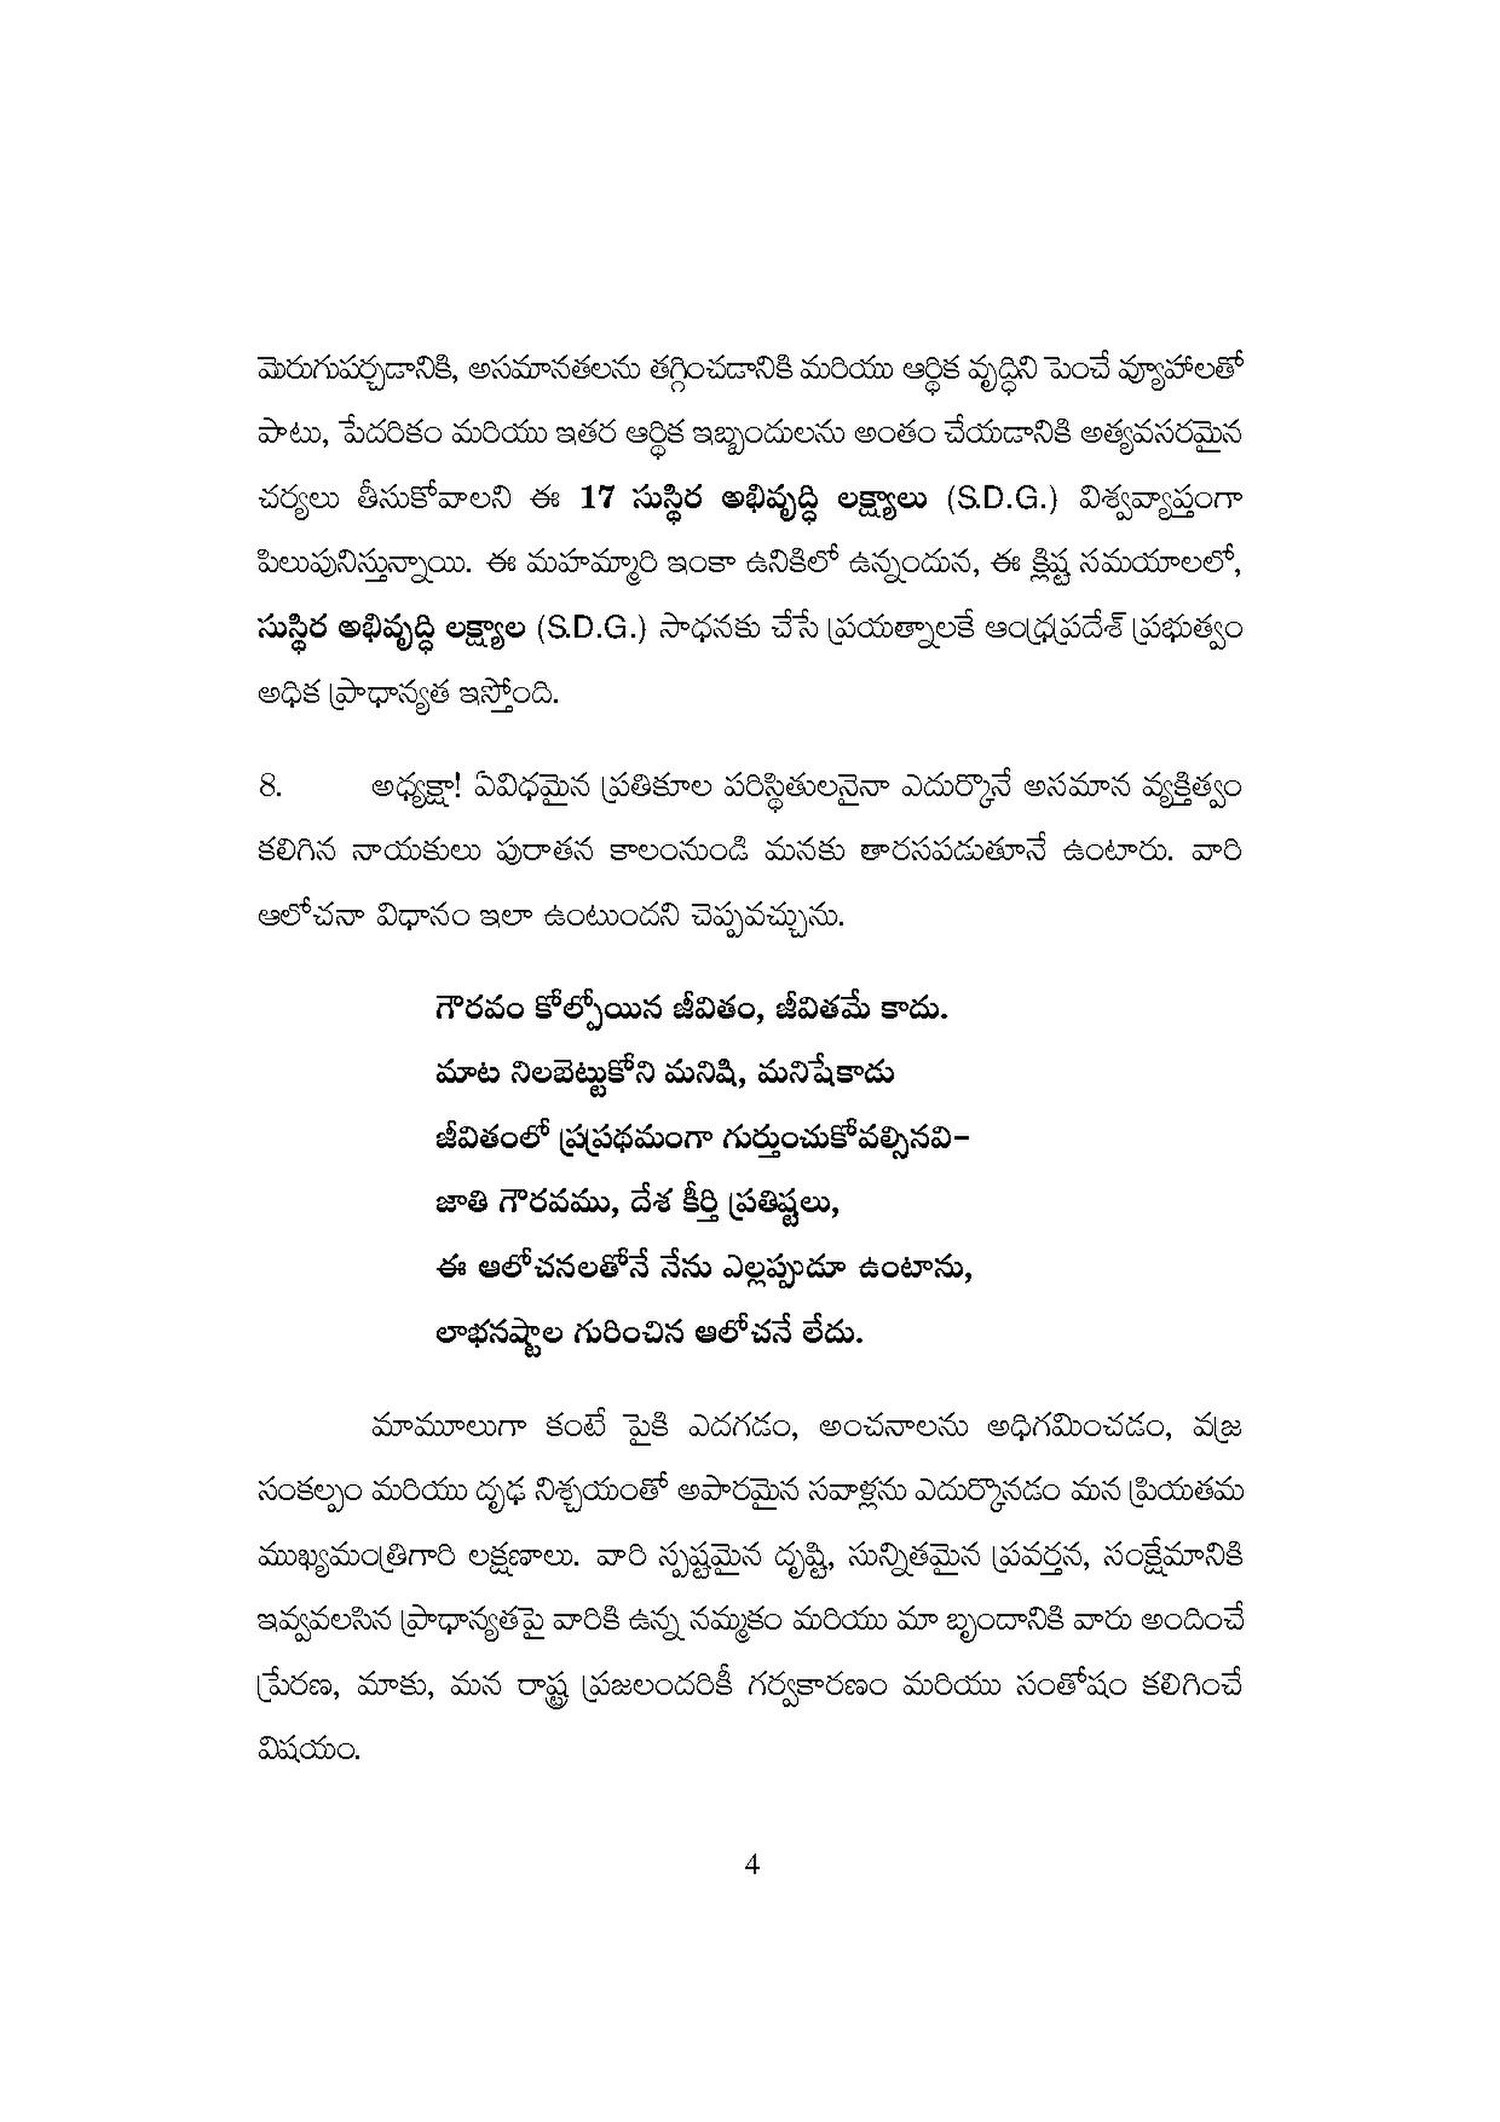మెరుగుపర్చడానికి, అసమానతలను తగ్గించడానికి మరియు ఆర్థిక వృద్ధిని పెంచే వ్యూహాలతో
పాటు, పేదరికం మరియు ఇతర ఆర్థిక ఇబ్బందులను అంతం చేయడానికి అత్యవసరమైన
చర్యలు తీసుకోవాలని ఈ 17 సుస్థిర అభివృద్ధి లక్ష్యాలు (S.D.G.) విశ్వవ్యాప్తంగా
పిలుపునిస్తున్నాయి. ఈ మహమ్మారి ఇంకా ఉనికిలో ఉన్నందున, ఈ క్లిష్ట సమయాలలో,
సుస్థిర అభివృద్ధి లక్ష్యాల (S.D.G.) సాధనకు చేసే ప్రయత్నాలకే ఆంధ్రప్రదేశ్ ప్రభుత్వం
అధిక ప్రాధాన్యత ఇస్తోంది.

8. అధ్యక్షా! ఏవిధమైన ప్రతికూల పరిస్థితులనైనా ఎదుర్కొనే అసమాన వ్యక్తిత్వం
కలిగిన నాయకులు పురాతన కాలంనుండి మనకు తారసపడుతూనే ఉంటారు. వారి
ఆలోచనా విధానం ఇలా ఉంటుందని చెప్పవచ్చును.
గౌరవం కోల్పోయిన జీవితం, జీవితమే కాదు.
మాట నిలబెట్టుకోని మనిషి, మనిషే కాడు
జీవితంలో ప్రప్రథమంగా గుర్తుంచుకోవల్సినవి-
జాతి గౌరవము,దేశ కీర్తి ప్రతిష్టలు,
ఈ ఆలోచనలతోనే నేను ఎల్లప్పుడూ ఉంటాను,
లాభనష్టాల గురించిన ఆలోచనే లేదు. 

మామూలుగా కంటే పైకి ఎదగడం, అంచనాలను అధిగమించడం, వజ్ర
సంకల్పం మరియు దృఢ నిశ్చయంతో అపారమైన సవాళ్లను ఎదుర్కొనడం మన ప్రియతమ
ముఖ్యమంత్రిగారి లక్షణాలు. వారి స్పష్టమైన దృష్టి, సున్నితమైన ప్రవర్తన, సంక్షేమానికి
ఇవ్వవలసిన ప్రాధాన్యతపై వారికి ఉన్న నమ్మకం మరియు మా బృందానికి వారు అందించే
ప్రేరణ, మాకు, మన రాష్ట్ర ప్రజలందరికీ గర్వకారణం మరియు సంతోషం కలిగించే
విషయం.